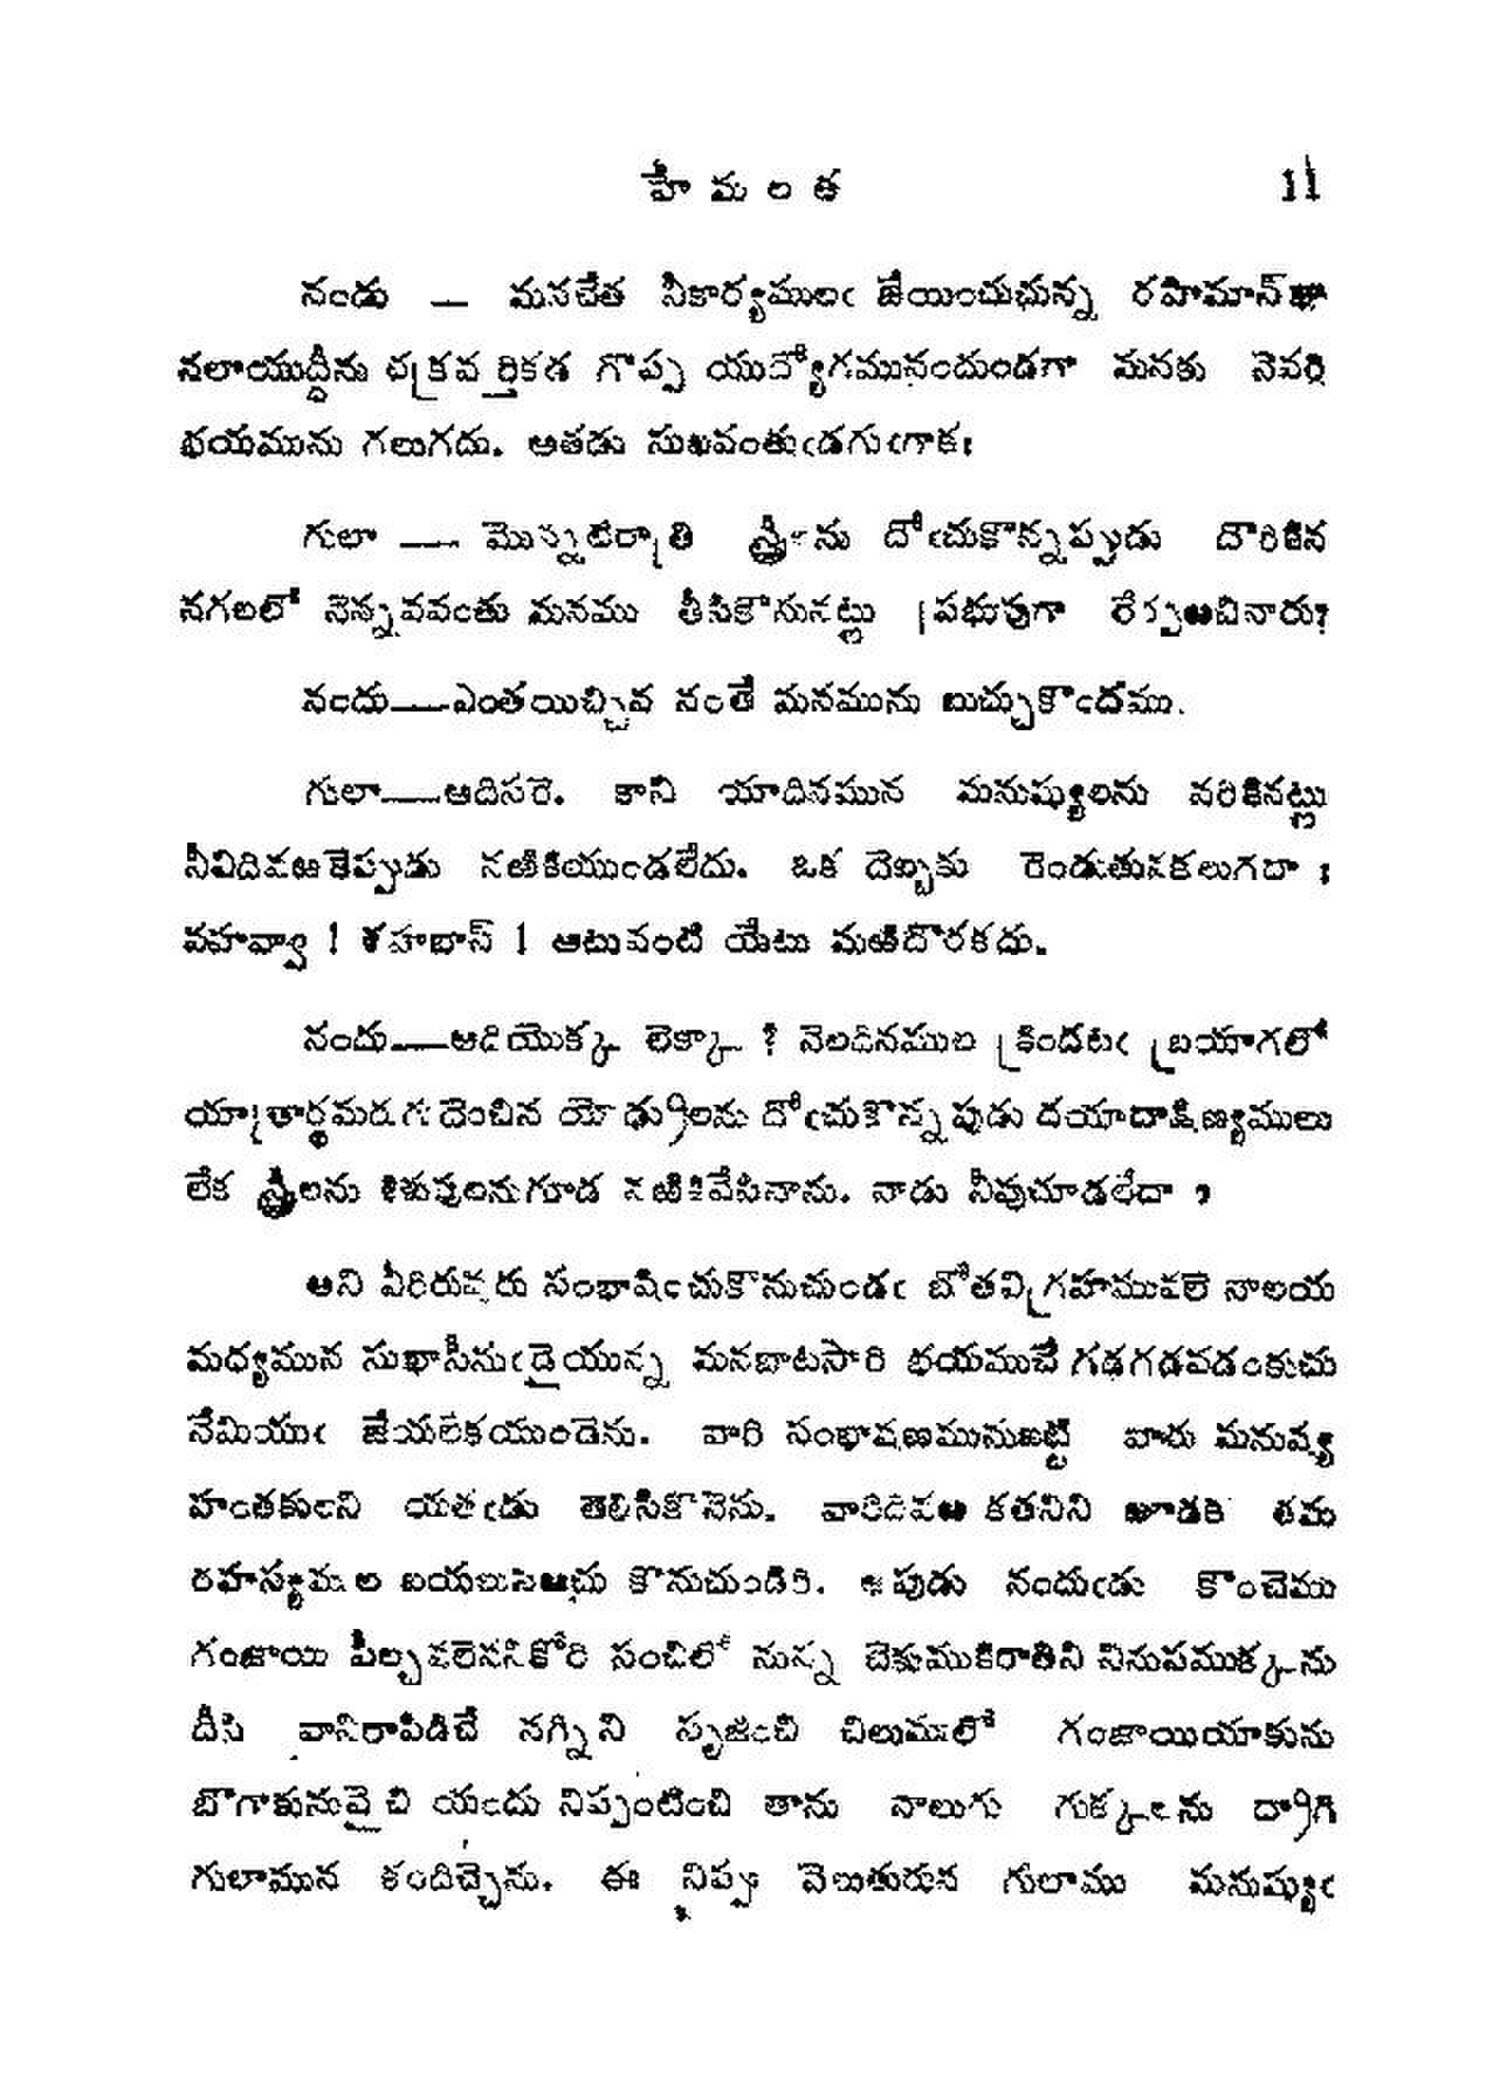నందు – మనచేత నీకార్యములఁ జేయించుచున్న రహిమాన్ నలాయుద్దీను చక్రవర్తికడ గొప్ప యుద్యోగమునందుండగా మనకు నెవరి భయమును గలుగదు. అతడు సుఖవంతుఁడగుగాక!

గులా – మొన్నటిరాత్రి స్త్రీలను దోఁచుకొన్నప్పుడు దొరికిన నగలలో నెన్నవవంతు మనము తీసికొనునట్లు ప్రభువుగా రేర్పఱచినారు?

నందు – ఎంతయిచ్చిన నంతే మనమును బుచ్చుకొందము.

గులా – అదిసరే. కాని యాదినమున మనుష్యులను నరికినట్లు నీవిదివఱకెప్పుడు నఱికియుండలేదు. ఒక దెబ్బకు రెండు తునకలుగదా! వహవ్వా! శహబాస్! అటువంటి యేటు మఱిదొరకదు.

నందు – అదియొక్క లెక్కా! నెలదినముల క్రిందటఁ బ్రయాగలో యాత్రార్థమరుగు దెంచిన యోఢ్రులను దోఁచుకొన్నప్పుడు దయాదాక్షిణ్యములు లేక స్త్రీలను శిశువులనుగూడ నఱికివేసినాను. నాడు నీవుచూడలేదా? 

అని వీరిరువురు సంభాషించుకొనుచుండఁ బోతవిగ్రహమువలె నాలయ మధ్యమున సుఖాసీనుఁడైయున్న మనబాటసారి భయముచే గడగడవడంకుచు నేమియుఁ జేయలేకయుండెను. వారి సంభాషణమునుబట్టి వారు మనుష్య హంతకులని యతఁడు తెలిసికొనెను. వారిదివఱ కతనిని జూడక తమ రహస్యముల బయలుపఱచు కొనుచుండిరి. అపుడు నందుఁడు కొంచెము గంజాయి పీల్చవలెనని కోరి సంచిలో నున్న చెకుముకిరాతిని నినుపముక్కను దీసి వాని రాపిడిచే నగ్నిని సృజంచి చిలుములో గంజాయియాకును బొగాకునువైచి యందు నిప్పంటించి తాను నాలుగు గుక్కలను దాగి గులామున కందిచ్చెను. ఈ నిప్పు వెలుతురున గులాము మనుష్యుఁ